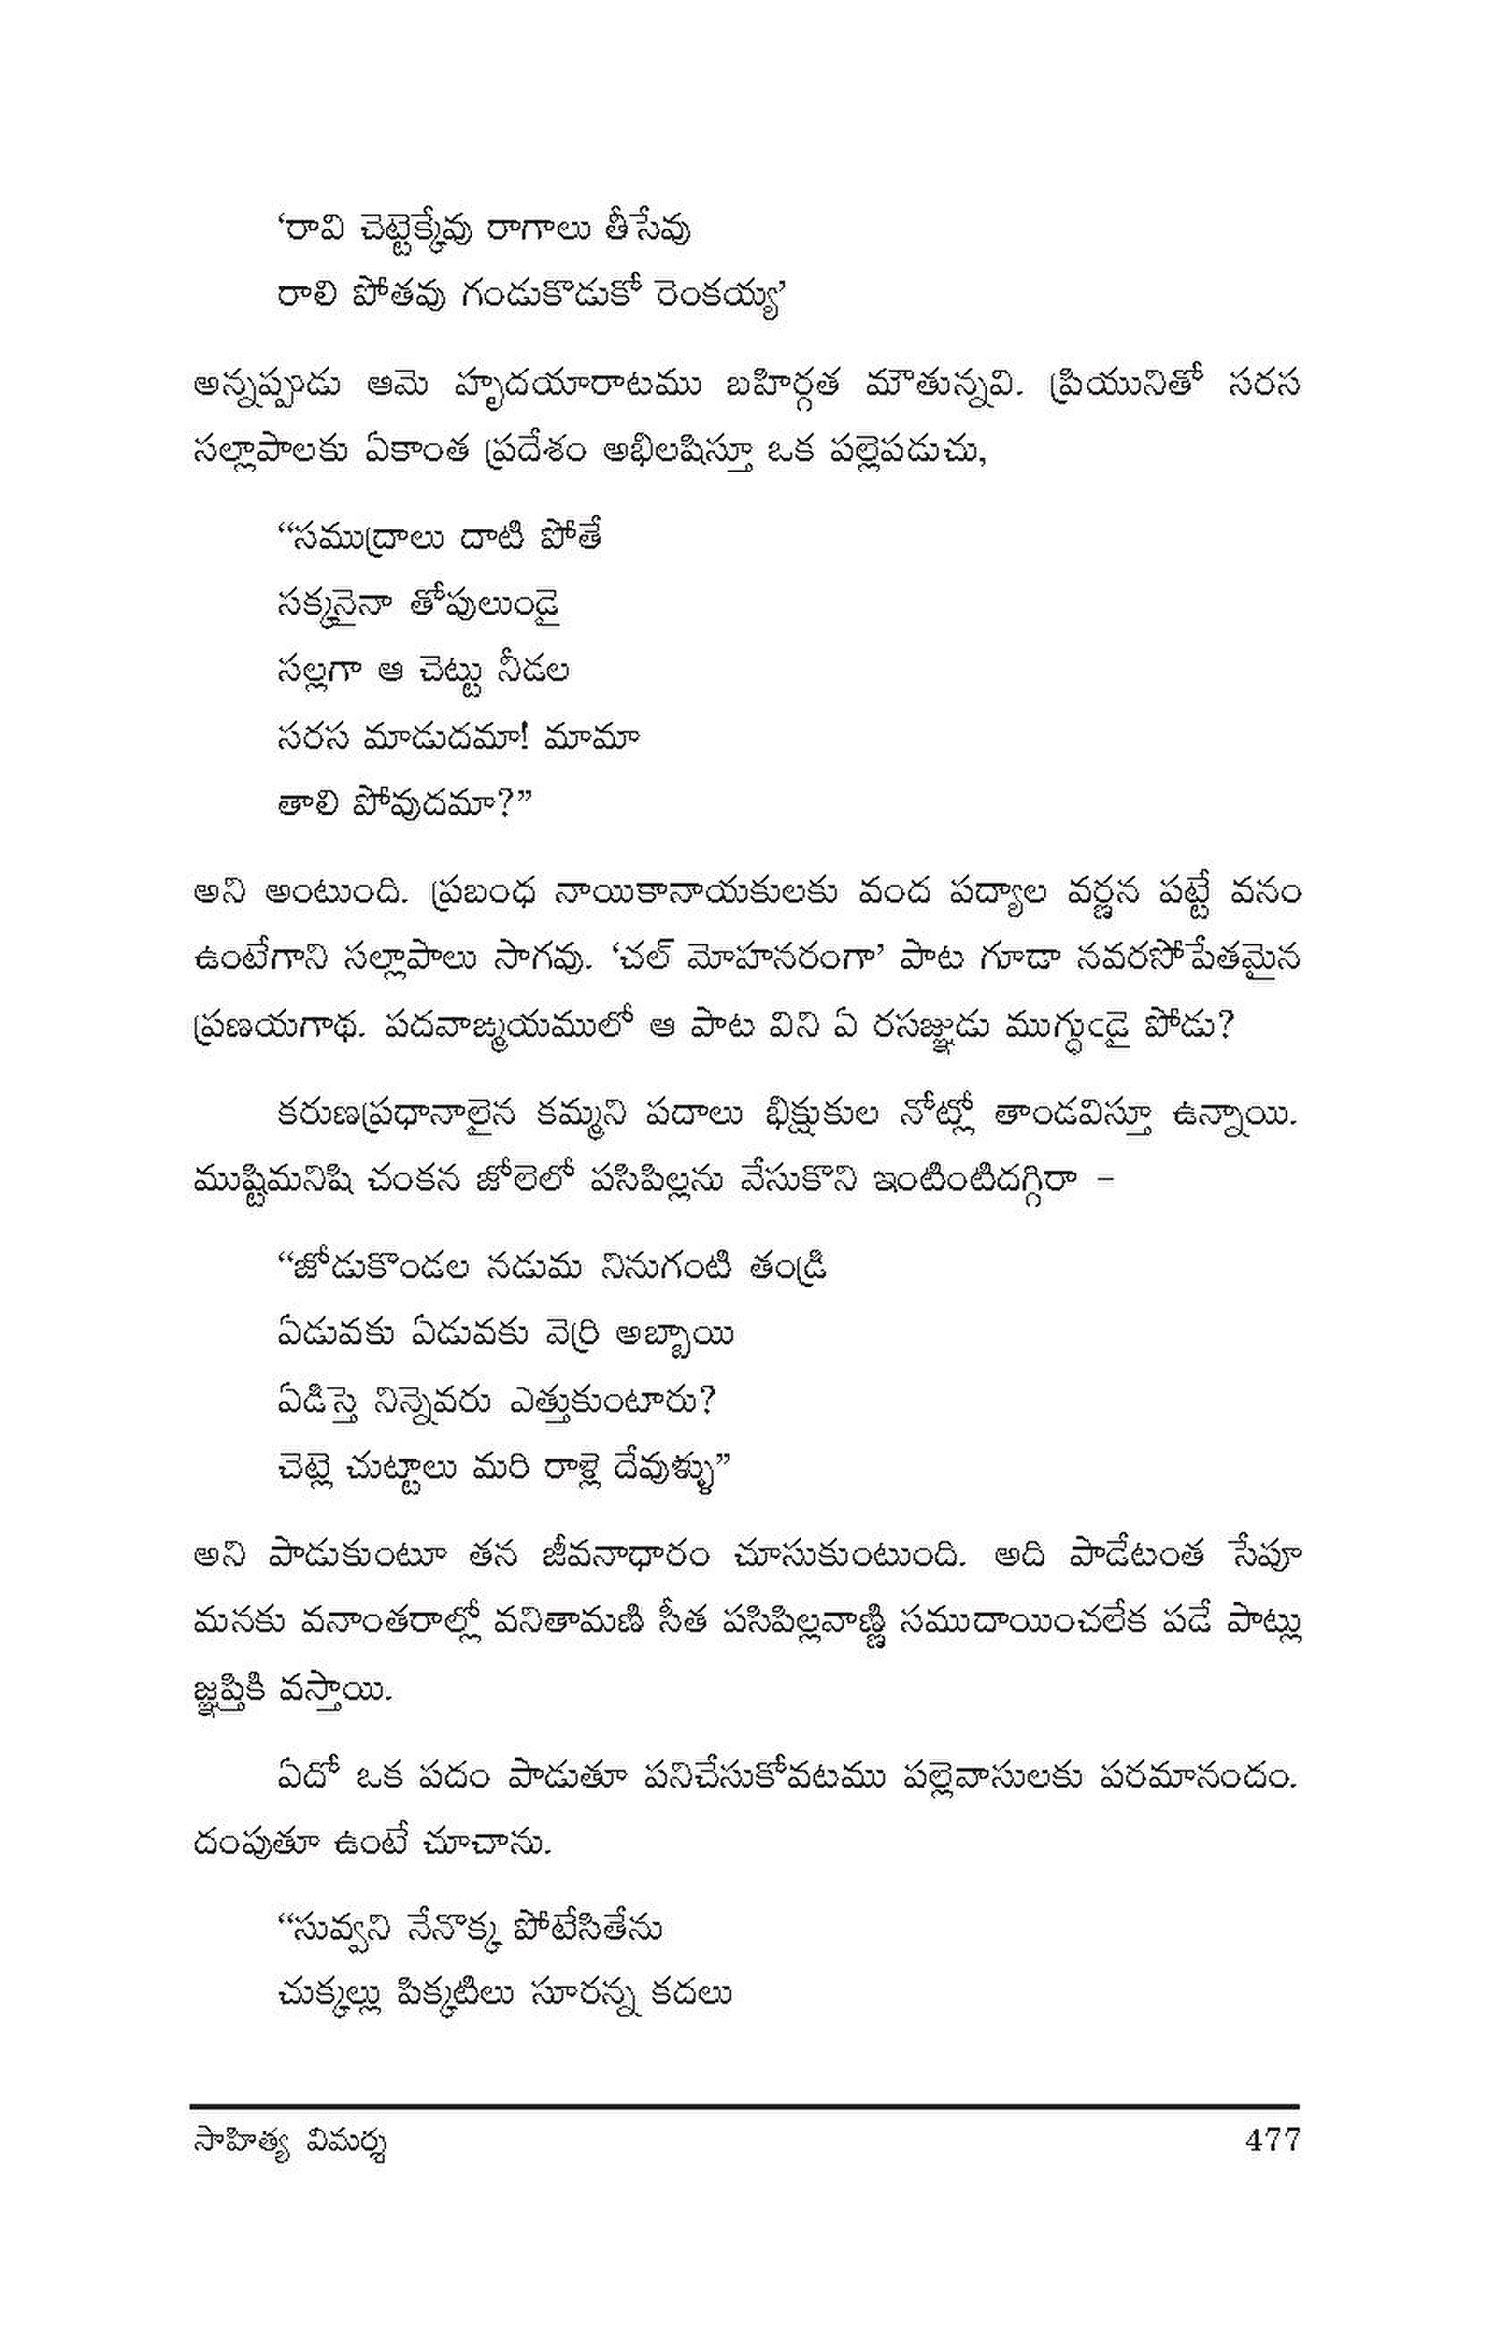'రావి చెట్టెక్కేవు రాగాలు తీసేవు
రాలి పోతవు గండుకొడుకో రెంకయ్య'

అన్నప్పుడు ఆమె హృదయారాటము బహిర్గత మౌతున్నవి. ప్రియునితో సరస
సల్లాపాలకు ఏకాంత ప్రదేశం అభిలషిస్తూ ఒక పల్లెపడుచు,

“సముద్రాలు దాటి పోతే
సక్కనైనా తోపులుండై
సల్లగా ఆ చెట్టు నీడల
సరస మాడుదమా! మామా
తాలి పోవుదమా?”

అని అంటుంది. ప్రబంధ నాయికానాయకులకు వంద పద్యాల వర్ణన పట్టే వనం
ఉంటేగాని సల్లాపాలు సాగవు. 'చల్ మోహనరంగా' పాట గూడా నవరసోపేతమైన
ప్రణయగాథ. పదవాఙ్మయములో ఆ పాట విని ఏ రసజ్ఞుడు ముగ్ధుఁడై పోడు?

కరుణప్రధానాలైన కమ్మని పదాలు భిక్షుకుల నోట్లో తాండవిస్తూ ఉన్నాయి.
ముష్టిమనిషి చంకన జోలెలో పసిపిల్లను వేసుకొని ఇంటింటిదగ్గరా 

"జోడుకొండల నడుమ నినుగంటి తండ్రి
ఏడువకు ఏడువకు వెర్రి అబ్బాయి
ఏడిస్తె నిన్నెవరు ఎత్తుకుంటారు?
చెట్లే చుట్టాలు మరి రాళ్లె దేవుళ్ళు”

అని పాడుకుంటూ తన జీవనాధారం చూసుకుంటుంది. అది పాడేటంత సేపూ
మనకు వనాంతరాల్లో వనితామణి సీత పసిపిల్లవాణ్ణి సముదాయించలేక పడే పాట్లు
జ్ఞప్తికి వస్తాయి.

ఏదో ఒక పదం పాడుతూ పనిచేసుకోవటము పల్లెవాసులకు పరమానందం.
దంపుతూ ఉంటే చూచాను.

“సువ్వని నేనొక్క పోటేసితేను
చుక్కల్లు పిక్కటిలు సూరన్న కదలు